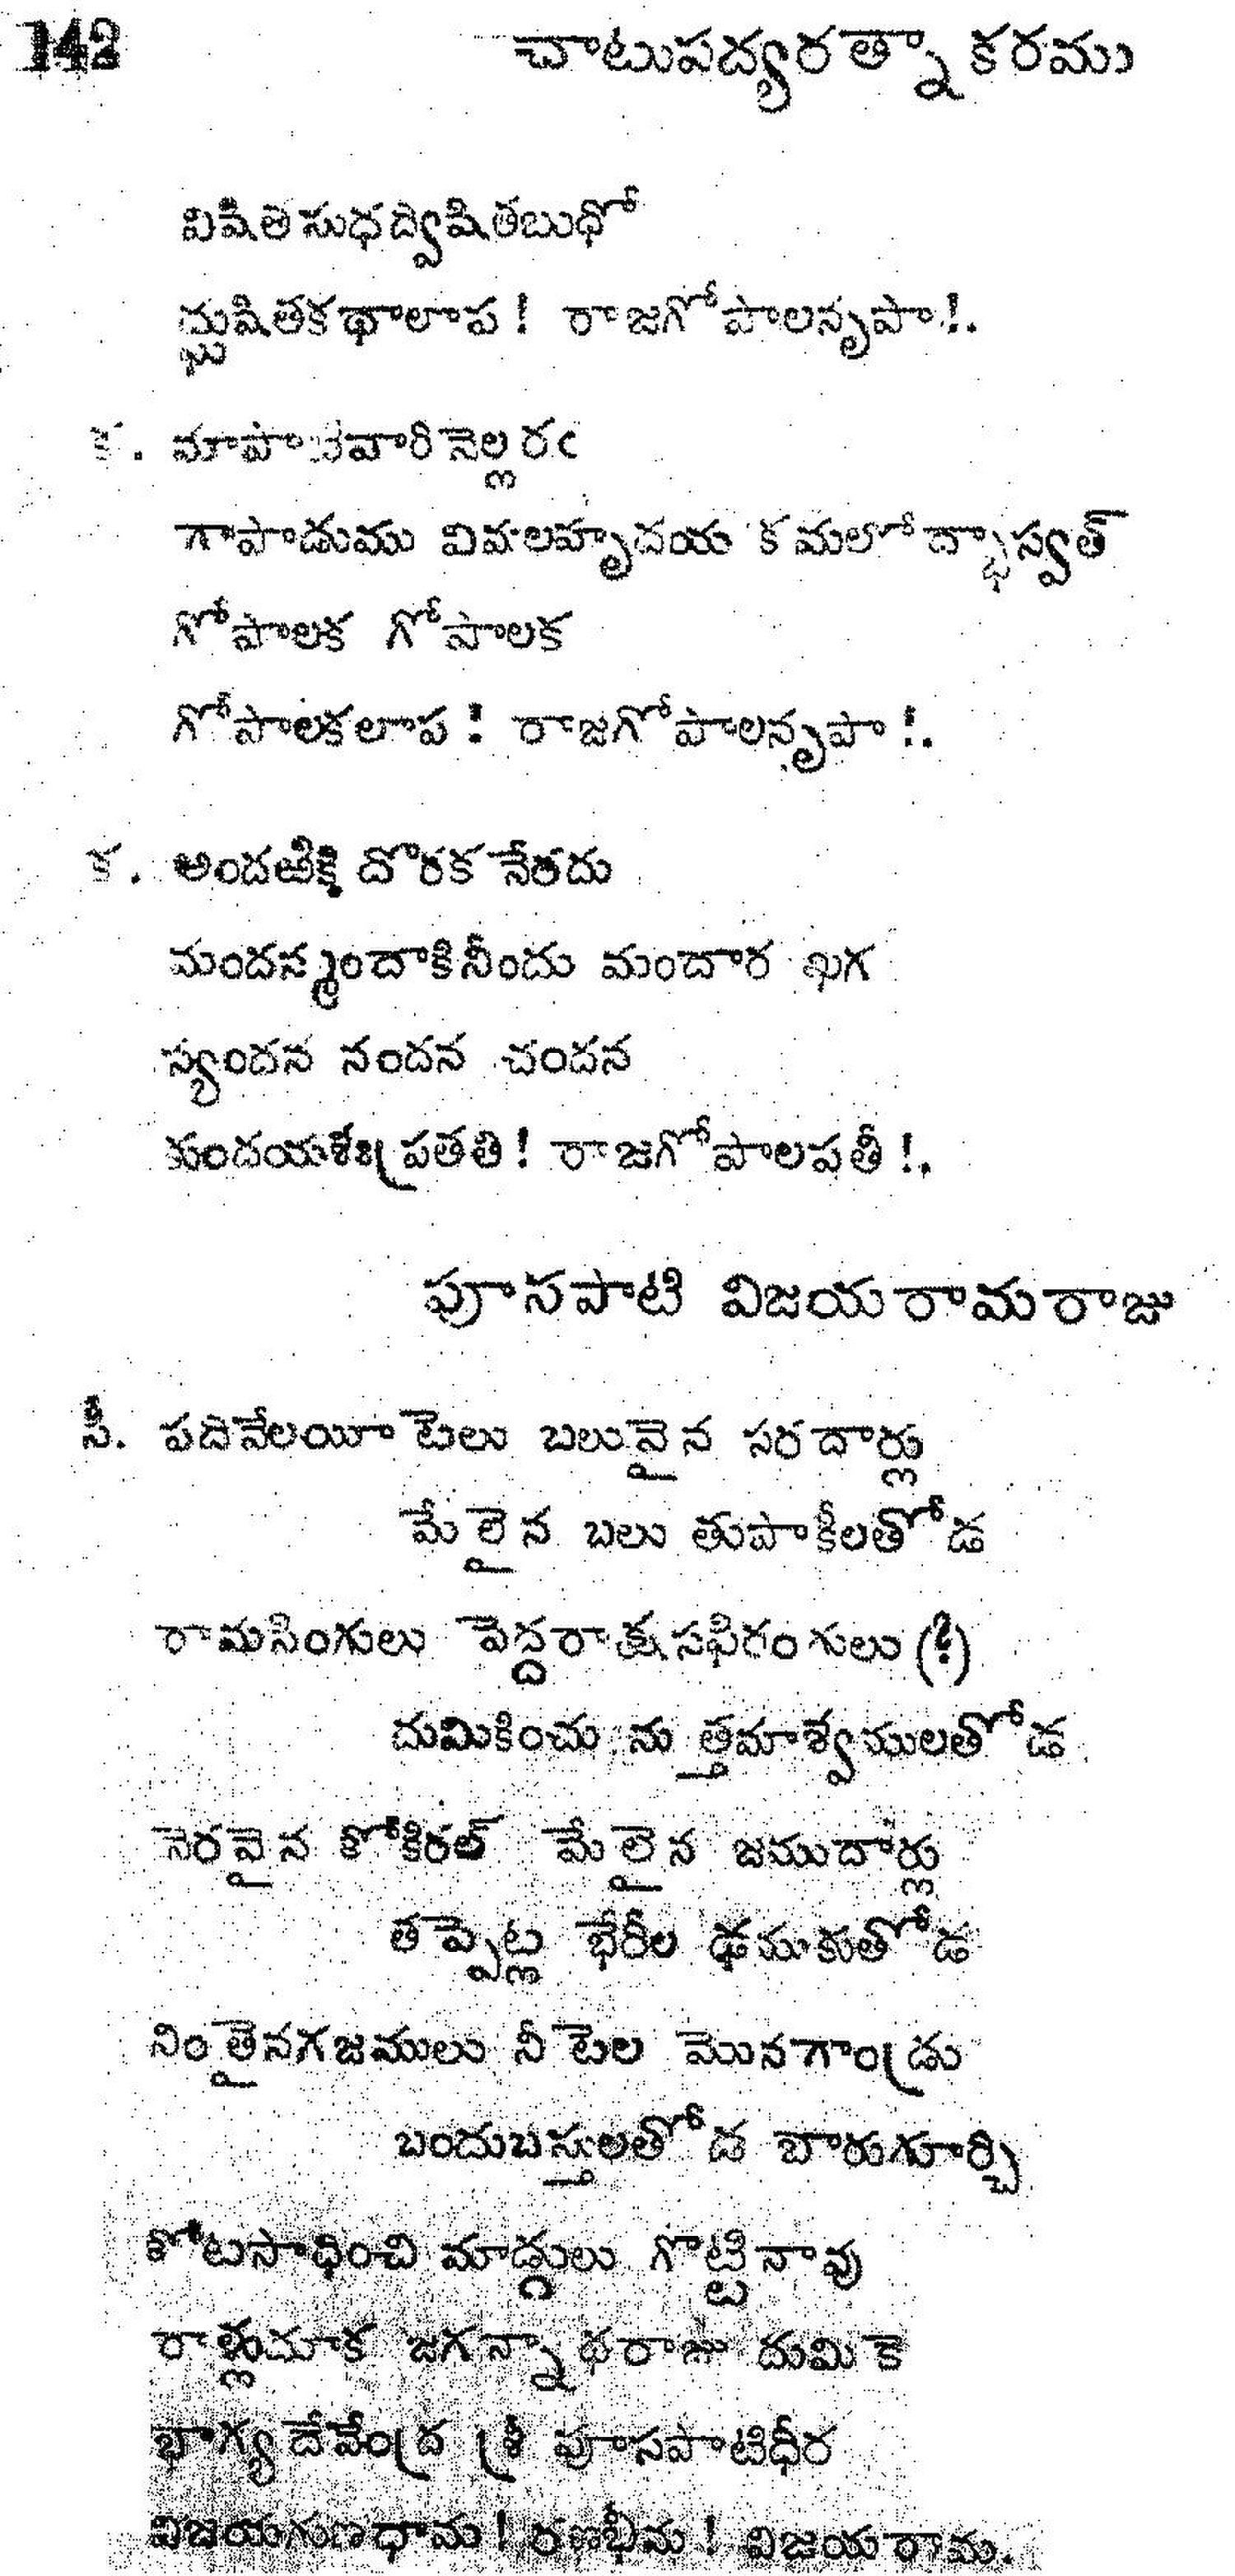విషితసుధద్విషితబుధో
 ద్ఘుషితకథాలాప! రాజగోపలానృపా!

క. మాపాటివారినెల్లరఁ
 గాపాడుము విమలహృదయ కమలోద్భాస్వత్
 గోపాలక గోపాలక
 గోపాలకలాప! రాజగోపాలనృపా!

క. అందఱికి దొరకనేరదు
 మందన్మందాకినీందు మందార ఖగ
 స్యందన నందన చందన
 కుందయశఃప్రతతి! రాజగోపాలపతీ!

సీ. పదివేలయీటెలు బలువైన సరదార్లు
 మేలైన బలుతుపాకీలతోడ
 రామసింగులు పెద్దరాక్షసఫిరంగులు(?)
 దుమికించు నుత్తమాశ్వములతోడ
 నెరవైన కోకిరల్ మేలైన జముదార్లు
 తప్పెట్ల భేరీల ఢముకుతోడ
 నింతైనగజములు నీటెల మొనగాండ్రు
 బందుబస్తులతోడ బారుగూర్చి
 కోట సాధించి మాడ్గులు గొట్టినావు
 రాళ్ళుదూక జగన్నాథరాజు దుమికె
 భాగ్యదేవేంద్ర శ్రీపూసపాటిధీర
 విజయగుణధామ! రణభీమ! విజయరామ.